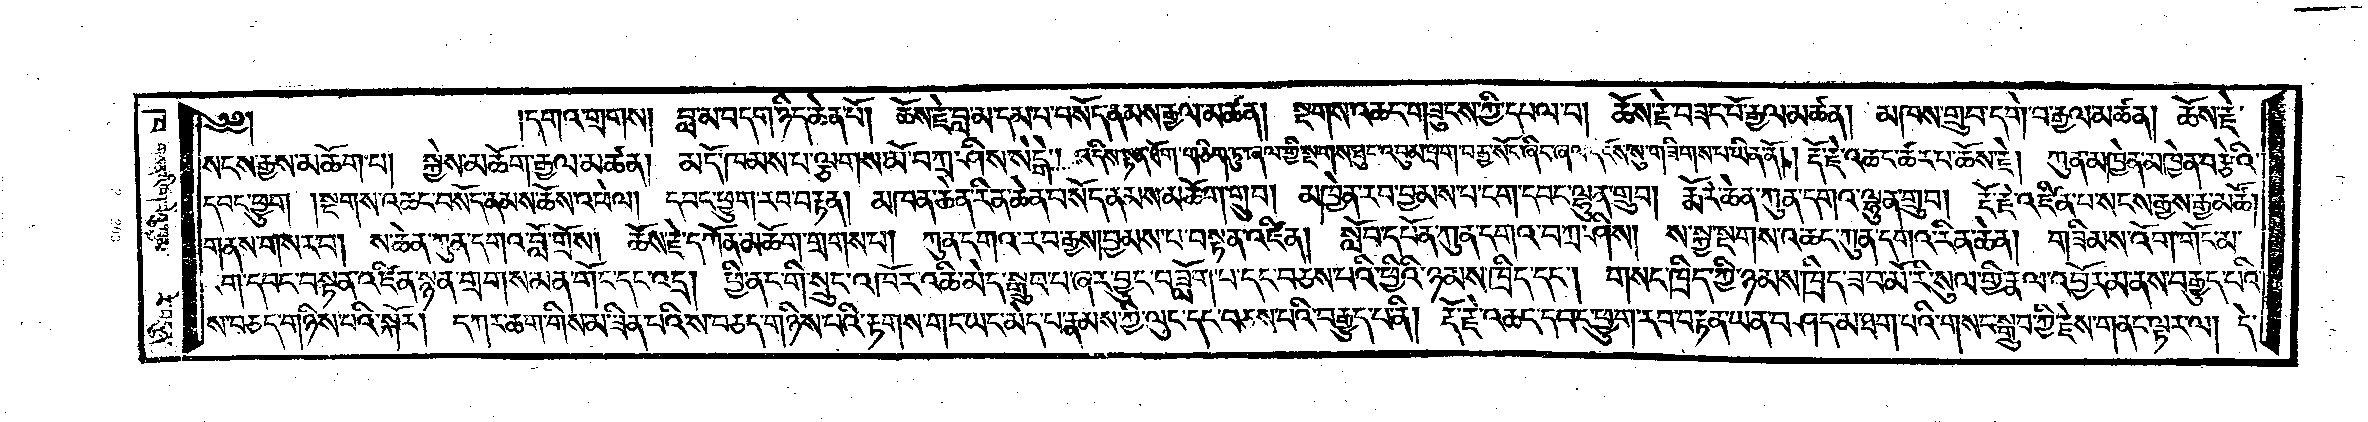༄༅། །དགའ་གྲགས། བླ་མ་བདག་ཉིད་ཆེན་པོ། ཆོས་རྗེ་བླ་མ་དམ་པ་བསོད་ནམས་རྒྱལ་མཚན། སྔགས་འཆང་གཟུངས་ཀྱི་དཔལ་བ། ཆོས་རྗེ་བཟང་པོ་རྒྱལ་མཚན། མཁས་གྲུབ་དགེ་བ་རྒྱལ་མཚན། ཆོས་རྗེ་
སངས་རྒྱས་མཆོག་པ། སྐྱེས་མཆོག་རྒྱལ་མཚན། མདོ་ཁམས་པ་ལྕགས་མོ་བཀྲ་ཤིས་སེངྒེ། འདིས་སྟན་ཐོག་གཅིག་ཏུ་ཞལ་གྱི་སྔགས་ཐུང་འབུམ་ཕྲག་བརྒྱ་སོང་ཞིང་ཞལ་དངོས་སུ་གཟིགས་པ་ཡིན་ནོ། །རྡོ་རྗེ་འཆང་ཚར་པ་ཆོས་རྗེ། ཀུན་མཁྱེན་མཁྱེན་བརྩེའི་
དབང་ཕྱུག། །སྔགས་འཆང་བསོད་ནམས་ཆོས་འཕེལ། དབང་ཕྱུག་རབ་བརྟན། མཁན་ཆེན་རིན་ཆེན་བསོད་ནམས་མཆོག་གྲུབ། མཁྱེན་རབ་བྱམས་པ་ངག་དབང་ལྷུན་གྲུབ། རྨོར་ཆེན་ཀུན་དགའ་ལྷུན་གྲུབ། རྡོ་རྗེ་འཛིན་པ་སངས་རྒྱས་རྒྱ་མཚོ།
གནས་གསར་བ། ས་ཆེན་ཀུན་དགའ་བློ་གྲོས། ཆོས་རྗེ་དཀོན་མཆོག་གྲགས་པ། ཀུན་དགའ་རབ་རྒྱས། བྱམས་པ་བསྟན་འཛིན། སློབ་དཔོན་ཀུན་དགའ་བརྐ་ཤིས། ས་སྐྱ་སྔགས་འཆང་ཀུན་དགའ་རིན་ཆེན། གཟིམས་འོག་གོང་མ་
ངག་དབང་བསྟན་འཛིན་སྙན་གྲགས་མན་གོང་དང་འདྲ། ཕྱི་ནང་གི་སྲུང་འཁོར་འཆི་མེད་སྒྲུབ་བ་ཞར་བྱུང་བཟློག་པ་དང་བཅས་པའི་ཕྱིའི་ཉམས་ཁྲིད་དང་། གསང་ཁྲིད་ཀྱི་ཉམས་ཁྲིད་ཟབ་མོ་རི་སུལ་གྱི་རྣལ་འབྱོར་མ་ནས་བརྒྱུད་པའི་
ས་བཅད་གཉིས་པའི་སྐོར། དཀར་ཆག་གིས་མ་ཟིན་པའི་ས་བཅད་གཉིས་པའི་རྟགས་གང་ཡང་མེད་པ་རྣམས་ཀྱི་ལུང་དང་བཅས་པའི་བརྒྱུད་པ་ནི། རྡོ་རྗེ་འཆང་དབང་ཕྱུག་རབ་བརྟན་ཡན་བཤད་མ་ཐག་པའི་གསང་སྒྲུབ་ཀྱི་རྗེས་གནང་ལྟར་ལ། དེ་